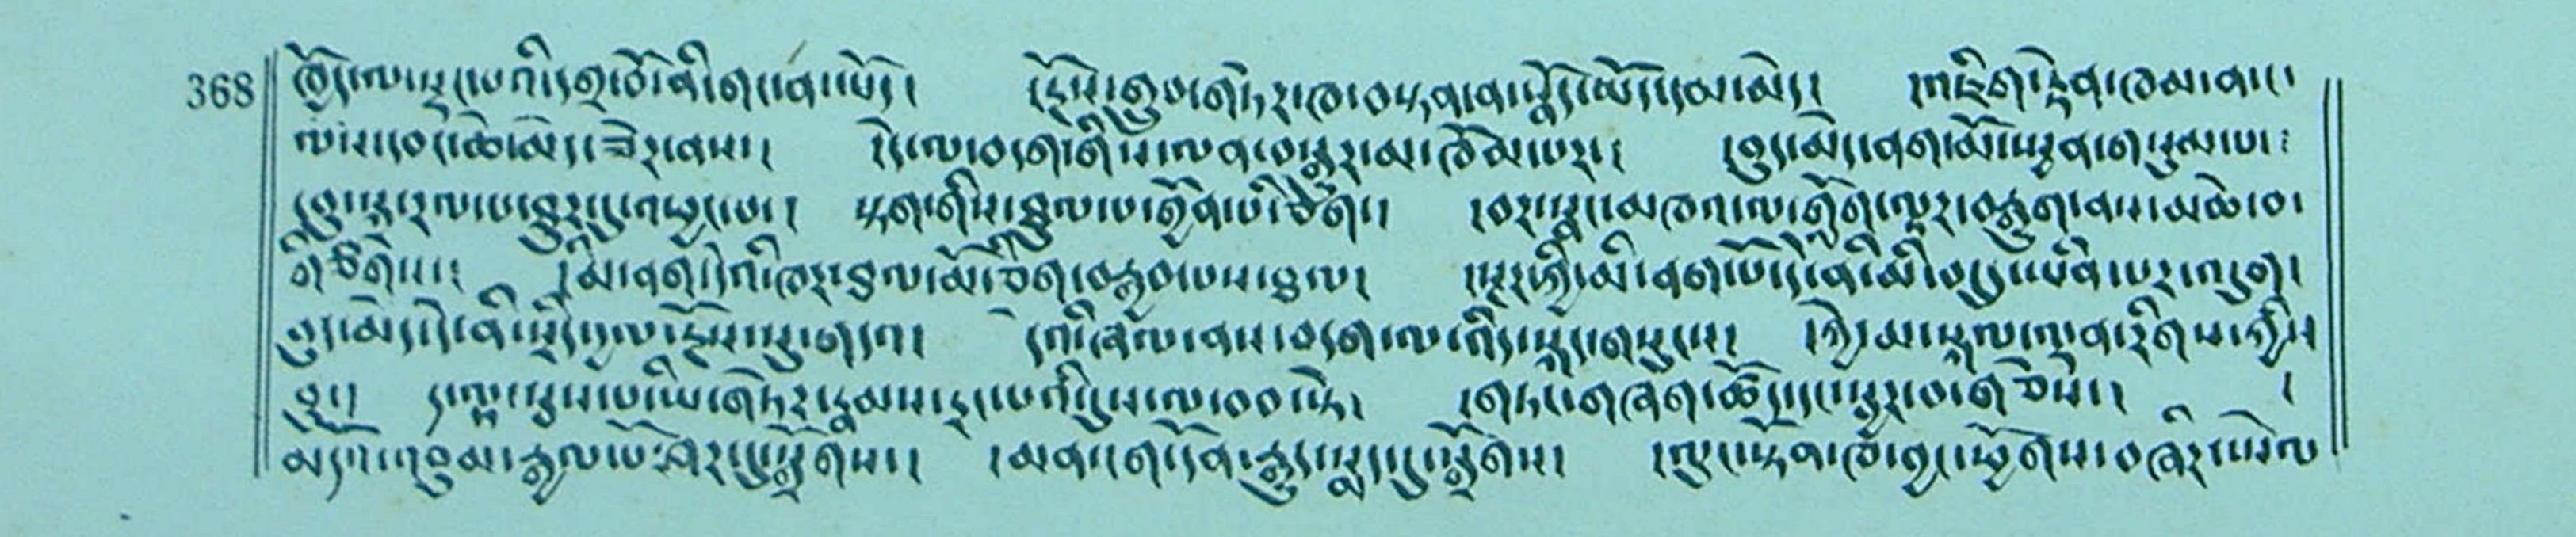ཁྱེད་ལ་སྡང་བའི་དགྲ་བོ་གང་ནས་ཡོད། དངོས་གྲུབ་གཏེར་ཁ་བསྟན་ན་སྣོད་ཡོད་དམ་མེད། འཇིག་རྟེན་ཁམས་ན་ང་
ལས་དབང་ཆེ་མེད་ཟེར་ནས། དེ་ལ་བདག་གིས་ལན་བསྒྱུར་མ་ཁོམ་པར། བུད་མེད་ནག་མོ་སྤྱན་གསུམ་པ༑ 
དབུ་སྐྲ་རལ་པ་ཐུར་དུ་འཕྱང་བ། སྟག་གི་ཐུལ་བ་གྱོན་པ་གཅིག བར་སྣང་མཁའ་ལ་གློག་ལྟར་འཁྱུག་ནས་མཆེ་བ་
གཙིགས། མི་ནག་པོ་དེའི་ཁ་ལ་ཐལ་མོ་གཅིག་བརྒྱབ་པས་ཐལ། སྔར་གྱི་མི་ནག་པོ་དེ་ནི་དམུ་བདུད་ཡིན་པར་འདུག 
བུད་མེད་དེ་ནི་སྲིད་པའི་རྒྱལ་མོ་དངོས་སུ་གདའ། དེའི་ཞལ་ནས་བདག་ལ་འདི་སྐད་གསུང་། ཀྱེ་མ་སྐལ་ལྡན་རིགས་ཀྱི་
བུ། ད་ལྟ་སྦས་པའི་གཏེར་རྣམས་དྲངས་པའི་དུས་བབས་ཏེ། གཏང་བཞག་ཚོད་དང་སྦྱོར་བ་གཅེས། 
མདོ་འབུམ་རྒྱལ་བོ་ཤར་དུ་སྒྲོགས། མན་ངག་དོན་རྒྱུད་སྨད་དུ་སྒྲོགས། ལུང་སྟོན་ཁ་བྱང་ཕྱོགས་བཞིར་སྤེལ།